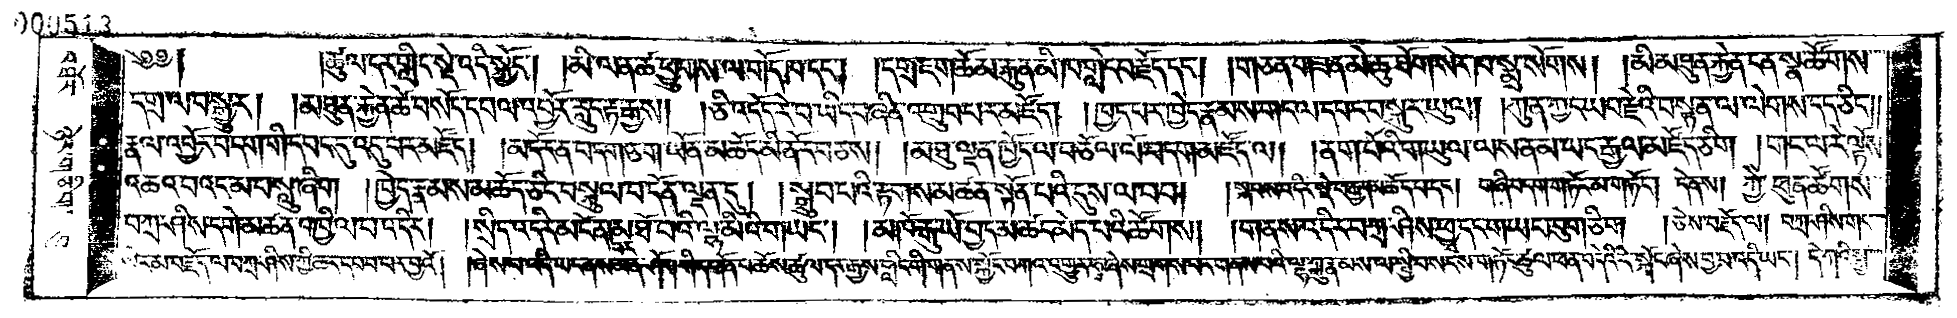༄༅། །ཚུལ་དར་གླིང་སྡེ་འདི་སྐྱོང་། །མི་ལ་ན་ཚ་ཕྱུགས་ལ་གོད་ཁ་དང་། །དགྲ་ཇག་ཆོམ་རྐུན་མི་ཁ་གླེང་བརྗོད་དང་། །གཅན་གཟན་མེ་ཆུ་ཐོག་སེར་ཁ་སྨྲ་སོགས། །མི་མཐུན་རྐྱེན་ངན་སྣ་ཚོགས་
དགྲ་ལ་བསྒྱུར། །མཐུན་རྐྱེན་ཚེ་བསོད་དཔལ་འབྱོར་རླུང་རྟ་རྒྱས། །ཅི་འདོད་རེ་བ་ཡིད་བཞིན་འགྲུབ་པར་མཛོད། །ཁྱད་པར་ཁྱེད་རྣམས་གང་ལ་དབང་བསྐུར་ཡུལ། །ཀུན་ཀྱང་ཡབ་རྗེའི་བསྟན་ལ་ལེགས་དད་ཅིང་། །
རྣལ་འབྱོར་བདག་གི་དབང་དུ་འདུ་བར་མཛོད། །མདོར་ན་བདག་ཅག་ཡོན་མཆོད་མི་ནོར་བཅས། །མཐུ་ལྡན་ཁྱོད་ལ་བཅོལ་ལོ་བདག་མཛོད་ལ། །ནག་པོའི་གཡུལ་ལས་ནམ་ཡང་རྒྱལ་མཛོད་ཅིག །གང་ལ་རེ་ལྟོས་
འཆའ་བའང་མ་བསླུ་ཞིག །ཁྱེད་རྣམས་མཆོད་ཅིང་བསྐུལ་བ་དོན་ལྡན་དུ། །སྒྲུབ་པའི་རྟགས་མཚན་སྟོན་པའི་དུས་ལ་བབ། ། སྐབས་འདིར་སྡེ་བརྒྱད་མཆོད་པ་དང་། གཞི་བདག་གཏོར་མ་གཏོང་། དེ་ནས།  ཀྱཻ་ཕུན་ཚོགས་
བཀྲ་ཤིས་དགེ་མཚན་འཁྱིལ་བ་འདིར། །སྲིད་འདིར་མངོན་པར་མཐོ་བའི་ལྷ་མིའི་གཡང་། །མཁོ་རྒུ་ཡོ་བྱད་མ་ཚང་མེད་པའི་ཚོགས། །གནས་འདིར་བཀྲ་ཤིས་ཕྱྭ་དང་གཡང་ཁུ་གཅིག །ཅེས་བརྗོད་ལ། བཀྲ་ཤིས་གང་
སེར་མ་བརྗོད་ལ་བཀྲ་ཤིས་ཀྱི་ཆར་དབབ་པར་བྱའོ། །ཞེས་པ་འདི་ཡང་ནས་མན་ཤོག་གི་དགོན་པ་ཆོས་ཚུལ་དར་རྒྱས་གླིང་གི་གནས་སྐྱོང་བཀའ་འགྱུར་ཧྭ་ཞེས་གྲགས་པར་གནས་པའི་ལྷ་ཀླུ་རྣམས་ལ་སྤྱི་བསངས་གཏོང་ཚུལ་ཕན་བདེའི་རེ་སྐོང་ཞེས་བྱ་བ་འདི་ཡང་། དེ་ཀའི་སྐྱ་